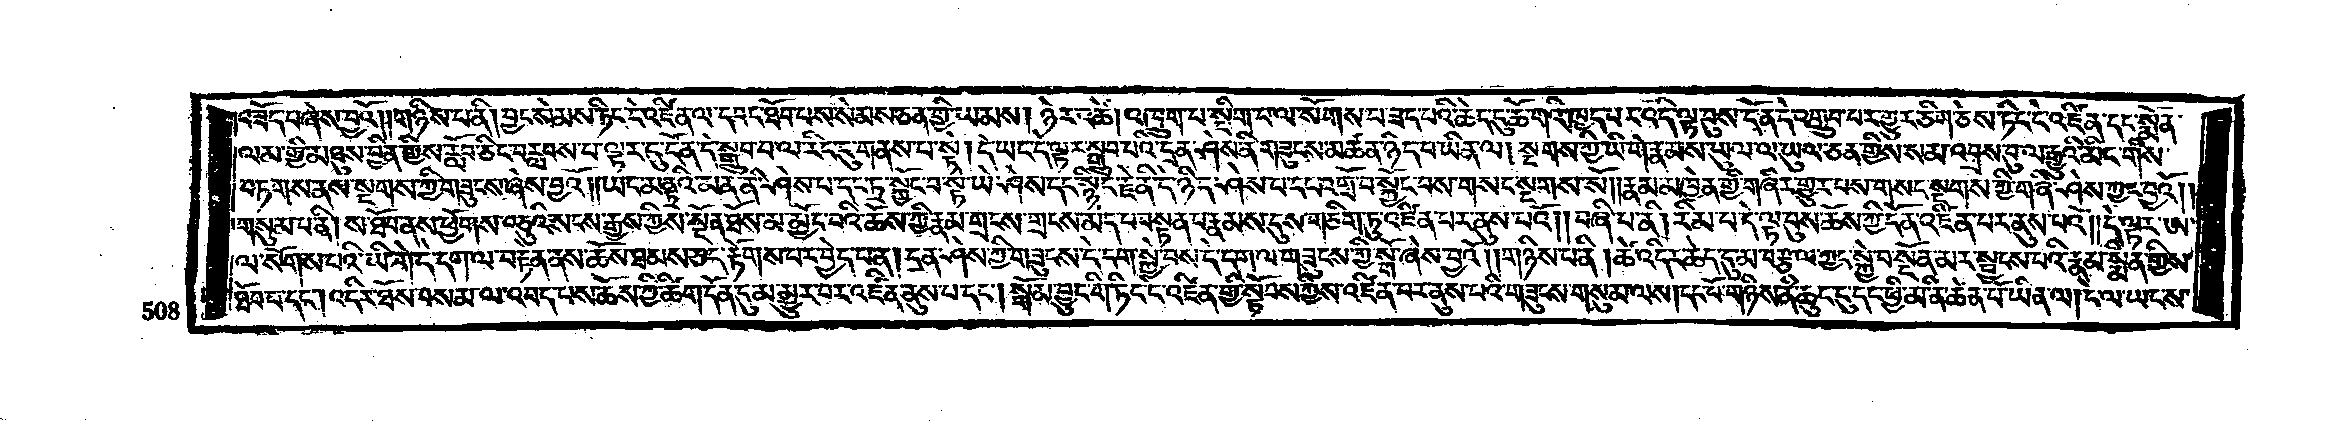བཟོད་པ་ཞེས་བྱའོ། །གཉིས་པ་ནི། བྱང་སེམས་ཏིང་ངེ་འཛིན་ལ་དབང་ཐོབ་པས་སེམས་ཅན་གྱི་ཡམས། ཉེར་འཚེ། འཁྲུག་པ་སྡིག་པ་ལ་སོགས་པ་ཟད་པའི་ཆེད་དུ་ཆོ་གའི་ཁྱད་པར་འདི་ལྟ་བུས་དོན་དེ་འགྲུབ་པར་གྱུར་ཅིག་ཅེས་ཏིང་ངེ་འཛིན་དང་སྨོན་
ལམ་གྱི་མཐུས་བྱིན་གྱིས་རློབ་ཅིང་བརླབས་པ་ལྟར་དུ་དོན་དེ་སྒྲུབ་པ་ལ་རིང་དུ་གནས་པ་སྟེ། དེ་ཡང་དེ་ལྟར་སྒྲུབ་པའི་དྲན་ཤེས་ནི་གཟུངས་མཚན་ཉིད་པ་ཡིན་ལ། སྔགས་ཀྱི་ཡི་གེ་རྣམས་ཡུལ་ལ་ཡུལ་ཅན་གྱིས་སམ་འབྲས་བུ་ལ་རྒྱུའི་མིང་གིས་
བཏགས་ནས་སྔགས་ཀྱི་གཟུངས་ཞེས་བྱའོ། །ཡང་མནྟྲའི་མན་ནི་ཤེས་པ་དང་ཏྲ་སྐྱོང་བ་སྟེ་ཡེ་ཤེས་དང་སྙིང་རྗེ་ནི་དེ་ཉིད་ཤེས་པ་དང་འགྲོ་བ་སྐྱོང་བས་གསང་སྔགས་སོ། །རྣམ་མཁྱེན་གྱི་གཞིར་གྱུར་པས་གསང་སྔགས་ཀྱི་གཞི་ཤེས་ཀྱང་བྱའོ། །
གསུམ་པ་ནི། ས་ཐོབ་ནས་ཕྱོགས་བཅུའི་སངས་རྒྱས་ཀྱིས་སྔོན་ཐོས་མ་མྱོང་བའི་ཆོས་ཀྱི་རྣམ་གྲངས་གྲངས་མེད་པ་བསྟན་པ་རྣམས་དུས་གཅིག་ཏུ་འཛིན་པར་ནུས་པའོ། །བཞི་པ་ནི། རིམ་པ་དེ་ལྟ་བུས་ཆོས་ཀྱི་དོན་འཛིན་པར་ནུས་པའོ། །དེ་ལྟར་ཨ་
ལ་སོགས་པའི་ཡི་གེ་དེ་དག་ལ་བརྟེན་ནས་ཆོས་ཐམས་ཅད་རྟོགས་པར་བྱེད་པ་ན། དྲན་ཤེས་ཀྱི་གཟུངས་དེ་དག་སྐྱེ་བས་དེ་དག་ལ་གཟུངས་ཀྱི་སྒོ་ཞེས་བྱའོ། །གཉིས་པ་ནི། ཚེ་འདིར་ཆེད་དུ་མ་བརྩལ་ཀྱང་སྐྱེ་བ་སྔོན་མར་སྦྱངས་པའི་རྣམ་སྨིན་གྱིས་
ཐོབ་པ་དང་། འདིར་ཐོས་བསམ་ལ་འབད་པས་ཆོས་ཀྱི་ཚིག་དོན་དུ་མ་མྱུར་བར་འཛིན་ནུས་པ་དང་། སྒོམ་བྱུང་གི་ཏིང་ངེ་འཛིན་གྱི་སྟོབས་ཀྱིས་འཛིན་པར་ནུས་པའི་གཟུངས་གསུམ་ལས། དང་པོ་གཉིས་ནི་ཆུང་ངུ་དང་ཕྱི་མ་ནི་ཆེན་པོ་ཡིན་ལ། དེ་ལ་ཡང་ས་